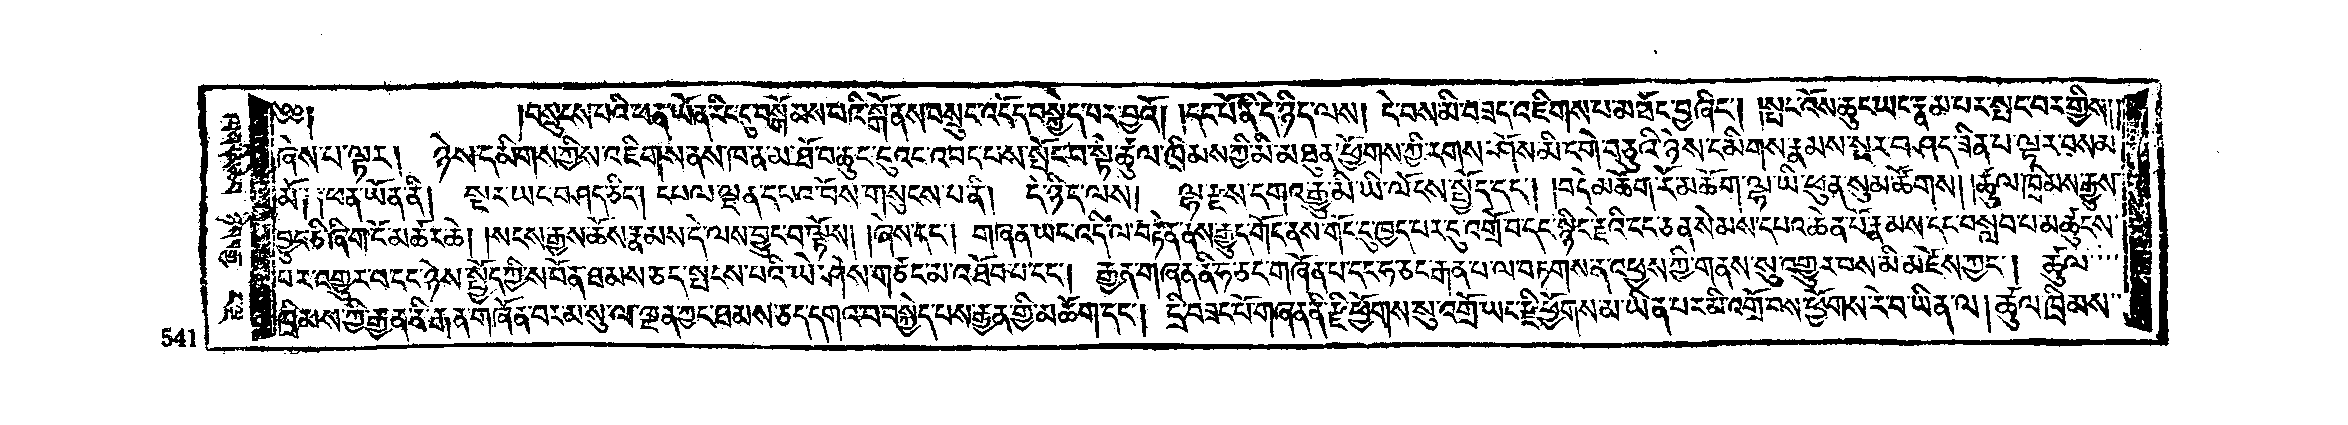༄༅། །བསྲུངས་པའི་ཕན་ཡོན་རིང་དུ་བསྒོམས་པའི་སྒོ་ནས་བསྲུང་འདོད་བསྐྱེད་པར་བྱའོ། །དང་པོ་ནི་དེ་ཉིད་ལས། དེ་བས་མི་བཟད་འཇིགས་པ་མཐོང་བྱ་ཞིང་། །སྤང་འོས་ཆུང་ཡང་རྣམ་པར་སྤང་བར་གྱིས།།
ཞེས་པ་ལྟར། ཉེས་དམིགས་ཀྱིས་འཇིགས་ནས་ཁ་ན་མ་ཐོ་བ་ཆུང་ངུའང་འབད་པས་སྤོང་བ་སྟེ་ཚུལ་ཁྲིམས་ཀྱི་མི་མཐུན་ཕྱོགས་ཀྱི་རགས་ཤོས་མི་དགེ་བཅུའི་ཉེས་དམིགས་རྣམས་སྔར་བཤད་ཟིན་པ་ལྟར་བསམ་
མོ༑ ༑ཕན་ཡོན་ནི། སྔར་ཡང་བཤད་ཅིང་། དཔལ་ལྡན་དཔའ་བོས་གསུངས་པ་ནི། དེ་ཉིད་ལས། ལྷ་རྫས་དགའ་རྒྱུ་མི་ཡི་ལོངས་སྤྱོད་དང་། །བདེ་མཆོག་རོ་མཆོག་ལྷ་ཡི་ཕུན་སུམ་ཚོགས། །ཚུལ་ཁྲིམས་རྒྱུས་
བྱུང་ཅི་ཞིག་ངོ་མཚར་ཆེ། །སངས་རྒྱས་ཆོས་རྣམས་དེ་ལས་བྱུང་བ་ལྟོས། །ཞེས་དང་། གཞན་ཡང་འདི་ལ་བརྟེན་ནས་རྒྱུད་གོང་ནས་གོང་དུ་ཁྱད་པར་དུ་འགྲོ་བ་དང་སྙིང་རྗེའི་ངང་ཅན་སེམས་དཔའ་ཆེན་པོ་རྣམས་དང་བསླབ་པ་མཚུངས་
པར་འགྱུར་བ་དང་ཉེས་སྤྱོད་ཀྱི་ས་བོན་ཐམས་ཅད་སྤངས་པའི་ཡེ་ཤེས་གཙང་མ་འཐོབ་པ་དང་། རྒྱན་གཞན་ནི་ཧ་ཅང་གཞོན་པ་དང་ཧ་ཅང་རྒན་པ་ལ་བཏགས་ན་འཕྱས་ཀྱི་གནས་སུ་འགྱུར་བས་མི་མཛེས་ཀྱང་། ཚུལ་
ཁྲིམས་ཀྱི་རྒྱན་ནི་རྒན་གཞོན་བར་མ་སུ་ལ་ལྡན་ཀྱང་ཐམས་ཅད་དགའ་བ་བསྐྱེད་པས་རྒྱན་གྱི་མཆོག་དང་། དྲི་བཟང་པོ་གཞན་ནི་རྫི་ཕྱོགས་སུ་འགྲོ་ཡང་རྫི་ཕྱོགས་མ་ཡིན་པར་མི་འགྲོ་བས་ཕྱོགས་རེ་བ་ཡིན་ལ། ཚུལ་ཁྲིམས་